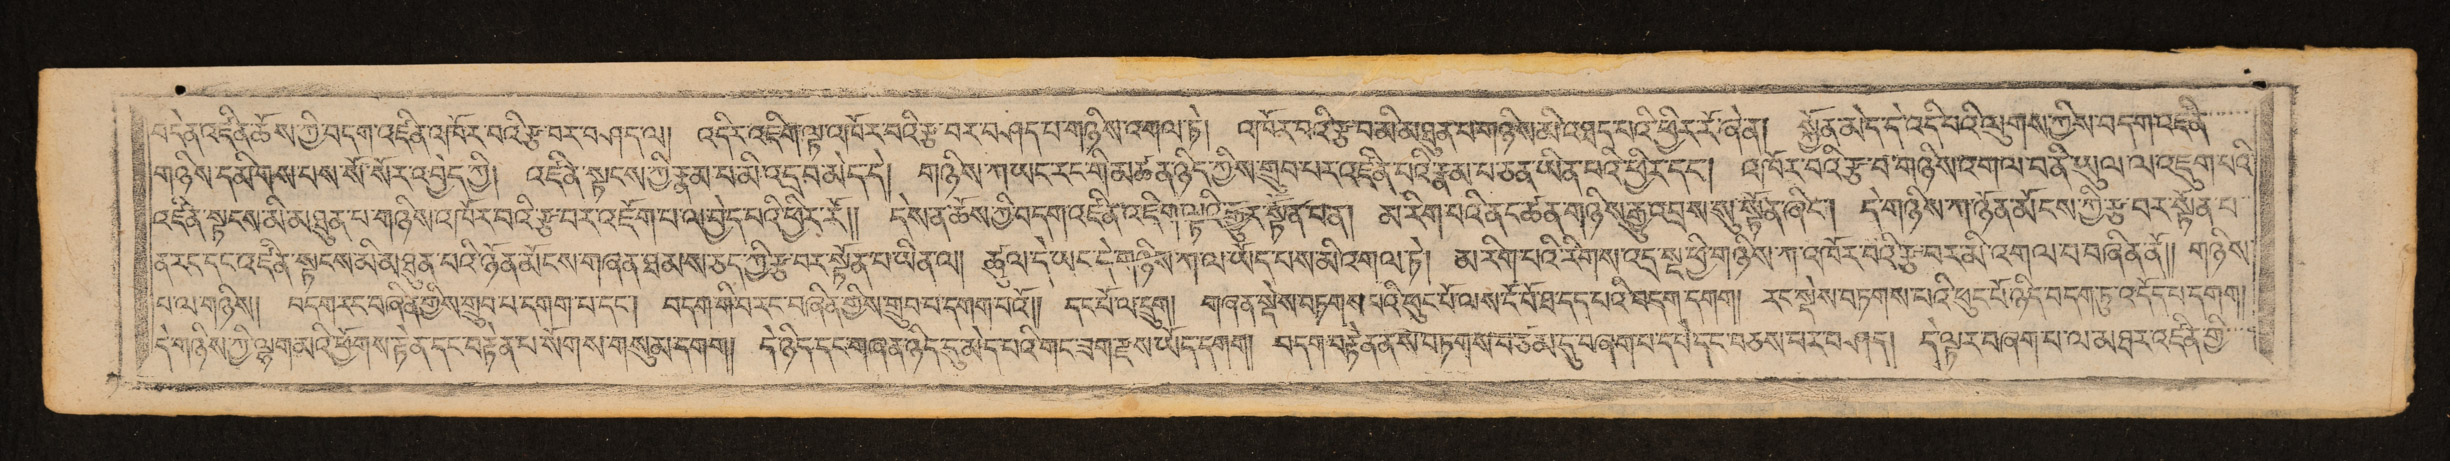བདེན་འཛིན་ཆོས་ཀྱི་བདག་འཛིན་འཁོར་བའི་རྩ་བར་བཤད་ལ། འདིར་འཇིག་ལྟ་འཁོར་བའི་རྩ་བར་བཤད་པ་གཉིས་འགལ་ཏེ། འཁོར་བའི་རྩ་བ་མི་མཐུན་པ་གཉིས་མི་འཐད་པའི་ཕྱིར་རོ་ཞེ་ན། སྐྱོན་མེད་དེ་འདི་པའི་ལུགས་ཀྱིས་བདག་འཛིན་
གཉིས་དམིགས་པས་སོ་སོར་འབྱེད་ཀྱི། འཛིན་སྟངས་ཀྱི་རྣམ་པ་མི་འདྲ་བ་མེད་དེ། གཉིས་ཀ་ཡང་རང་གི་མཚན་ཉིད་ཀྱིས་གྲུབ་པར་འཛིན་པའི་རྣམ་པ་ཅན་ཡིན་པའི་ཕྱིར་དང་། འཁོར་བའི་རྩ་བ་གཉིས་འགལ་བ་ནི་ཡུལ་ལ་འཇུག་པའི་
འཛིན་སྟངས་མི་མཐུན་པ་གཉིས་འཁོར་བའི་རྩ་བར་འཇོག་པ་ལ་བྱེད་པའི་ཕྱིར།། དེས་ན་ཆོས་ཀྱི་བདག་འཛིན་འཇིག་ལྟའི་རྒྱུར་སྟོན་པ་ན། མ་རིག་པའི་ནང་ཚན་གཉིས་རྒྱུ་འབྲས་སུ་སྟོན་ཞིང་། དེ་གཉིས་ཀ་ཉོན་མོངས་ཀྱི་རྩ་བར་སྟོན་པ་
ན་རང་དང་འཛིན་སྟངས་མི་མཐུན་པའི་ཉོན་མོངས་གཞན་ཐམས་ཅད་ཀྱི་རྩ་བར་སྟོན་པ་ཡིན་ལ། ཚུལ་དེ་ཡང་དེ་གཉིས་ཀ་ལ་ཡོད་པས་མི་འགལ་ཏེ། མ་རིག་པའི་རིགས་འདྲ་སྔ་ཕྱི་གཉིས་ཀ་འཁོར་བའི་རྩ་བར་མི་འགལ་བ་བཞིན་ནོ།། གཉིས་
པ་ལ་གཉིས། བདག་རང་བཞིན་གྱིས་གྲུབ་པ་དགག་པ་དང་། བདག་གི་བ་རང་བཞིན་གྱིས་གྲུབ་པ་དགག་པའོ།། དང་པོ་ལ་དྲུག། གཞན་སྡེས་བཏགས་པའི་ཕུང་པོ་ལས་ངོ་བོ་ཐ་དད་པའི་བདག་དགག། རང་སྡེས་བཏགས་པའི་ཕུང་པོ་ཉིད་བདག་ཏུ་འདོད་པ་དགག།
དེ་གཉིས་ཀྱི་ལྷག་མའི་ཕྱོགས་རྟེན་དང་བརྟེན་པ་སོགས་གསུམ་དགག། དེ་ཉིད་དང་གཞན་ཉིད་དུ་མེད་པའི་གང་ཟག་རྫས་ཡོད་དགག། བདག་བརྟེན་ནས་བཏགས་པ་ཙམ་དུ་བཞག་པ་དཔེ་དང་བཅས་པར་བཤད། དེ་ལྟར་བཞག་པ་ལ་མཐར་འཛིན་གྱི་